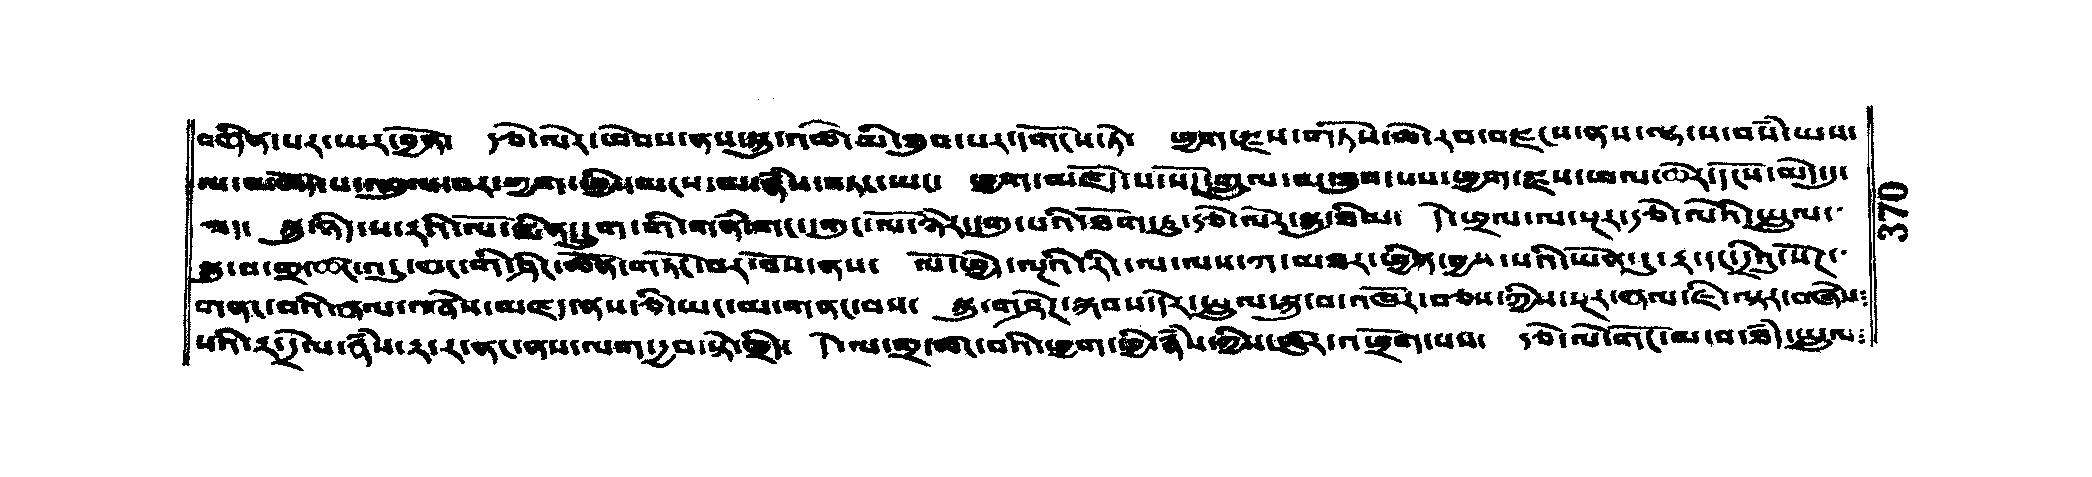བཞིན་པར་ཡར་བྱོན། རྩེ་ལེར་ཕེབས་ནས་སྐུ་འཚེ་མི་ཐུབ་པར་དགོངས་ཏེ། ཕྱག་རྫས་གཏོས་ཆེ་རབ་བརྫངས་ནས་ལྷ་ས་བསམ་ཡས་
ལ་མཆོད་པ་འབུལ་བར་ཕྱག་ཕྱི་དམངས་མ་རྣམས་བཏང་ཡང་། ཕྱག་མཛོད་པ་སོགས་འགྲུལ་མ་ཐུབ་པས་ཕྱག་རྫས་ཕལ་ཆེར་དངོས་མེད་དུ་
ཟད། སྐུ་ཉིད་ས་རྟའི་ལོ་སྨིན་དྲུག་གི་གནམ་གང་དགུང་ལོ་ཉེར་དགུ་པའི་ཐོག་ཏུ་རྩེ་ལེར་སྐུ་ཐིམ། དེ་ཕྲལ་ལ་སྔར་རྩེ་ལེའི་སྤྲུལ་
སྐུ་བ་གྲྭ་ཚང་འདུ་ཁང་གི་ཤིང་ཚོན་གཏོང་བར་བོས་ནས། ལོ་ཕྱེད་ལྔའི་རིང་ལ་ལས་ཀ་མཐར་ཕྱིན་བྱས་པའི་ཡོན་དུ་རྟ་དང་དྲེའུ་སོགས་
གནང་བའི་ཞལ་བཞེས་མཛད་ནས་ཅི་ཡང་མ་གནང་བས། སྐུ་གཤེགས་སྐབས་དེར་སྤྲུལ་སྐུ་བ་འཁོར་བཅས་ཀྱིས་སྔར་ཞལ་གྱི་ཇི་ལྟར་བཞེས་
པའི་རྟ་དྲེལ་རྣམས་རྟ་རའི་ནང་ནས་ལག་རྒྱབ་སྟེ་ཁྲིད། དེ་ལ་གྲྭ་ཚང་བའི་ཕྱག་ཕྱི་རྣམས་ཀྱིས་ཚུར་འཕྲོག་པས། རྩེ་ལེ་གོང་མ་བ་ཐམས་ཅད་སྤྲུལ་